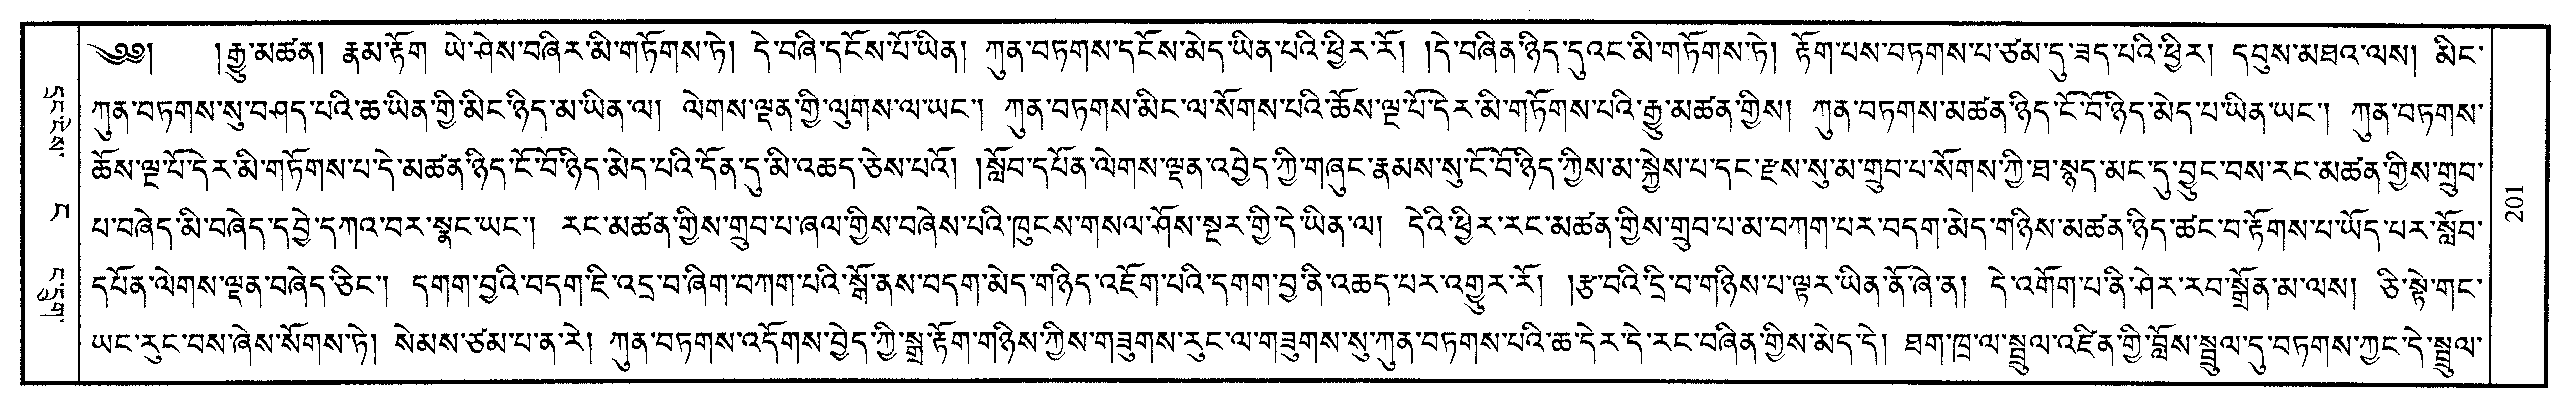༄༅། །རྒྱུ་མཚན། རྣམ་རྟོག་ཡེ་ཤེས་བཞིར་མི་གཏོགས་ཏེ། དེ་བཞི་དངོས་པོ་ཡིན། ཀུན་བཏགས་དངོས་མེད་ཡིན་པའི་ཕྱིར་རོ། །དེ་བཞིན་ཉིད་དུའང་མི་གཏོགས་ཏེ། རྟོག་པས་བཏགས་པ་ཙམ་དུ་ཟད་པའི་ཕྱིར། དབུས་མཐའ་ལས། མིང་
ཀུན་བཏགས་སུ་བཤད་པའི་ཆ་ཡིན་གྱི་མིང་ཉིད་མ་ཡིན་ལ། ལེགས་ལྡན་གྱི་ལུགས་ལ་ཡང་། ཀུན་བཏགས་མིང་ལ་སོགས་པའི་ཆོས་ལྔ་པོ་དེར་མི་གཏོགས་པའི་རྒྱུ་མཚན་གྱིས། ཀུན་བཏགས་མཚན་ཉིད་ངོ་བོ་ཉིད་མེད་པ་ཡིན་ཡང་། ཀུན་བཏགས་
ཆོས་ལྔ་པོ་དེར་མི་གཏོགས་པ་དེ་མཚན་ཉིད་ངོ་བོ་ཉིད་མེད་པའི་དོན་དུ་མི་འཆད་ཅེས་པའོ། །སློབ་དཔོན་ལེགས་ལྡན་འབྱེད་ཀྱི་གཞུང་རྣམས་སུ་ངོ་བོ་ཉིད་ཀྱིས་མ་སྐྱེས་པ་དང་རྫས་སུ་མ་གྲུབ་པ་སོགས་ཀྱི་ཐ་སྙད་མང་དུ་བྱུང་བས་རང་མཚན་གྱིས་གྲུབ་
པ་བཞེད་མི་བཞེད་དབྱེ་དཀའ་བར་སྣང་ཡང་། རང་མཚན་གྱིས་གྲུབ་པ་ཞལ་གྱིས་བཞེས་པའི་ཁུངས་གསལ་ཤོས་སྔར་གྱི་དེ་ཡིན་ལ། དེའི་ཕྱིར་རང་མཚན་གྱིས་གྲུབ་པ་མ་བཀག་པར་བདག་མེད་གཉིས་མཚན་ཉིད་ཚང་བ་རྟོགས་པ་ཡོད་པར་སློབ་
དཔོན་ལེགས་ལྡན་བཞེད་ཅིང་། དགག་བྱའི་བདག་ཇི་འདྲ་བ་ཞིག་བཀག་པའི་སྒོ་ནས་བདག་མེད་གཉིད་འཇོག་པའི་དགག་བྱ་ནི་འཆད་པར་འགྱུར་རོ། །རྩ་བའི་དྲི་བ་གཉིས་པ་ལྟར་ཡིན་ནོ་ཞེ་ན། དེ་འགོག་པ་ནི་ཤེར་རབ་སྒྲོན་མ་ལས། ཅི་སྟེ་གང་
ཡང་རུང་བས་ཞེས་སོགས་ཏེ། སེམས་ཙམ་པ་ན་རེ། ཀུན་བཏགས་འདོགས་བྱེད་ཀྱི་སྒྲ་རྟོག་གཉིས་ཀྱིས་གཟུགས་རུང་ལ་གཟུགས་སུ་ཀུན་བཏགས་པའི་ཆ་དེར་དེ་རང་བཞིན་གྱིས་མེད་དེ། ཐག་ཁྲ་ལ་སྦྲུལ་འཛིན་གྱི་བློས་སྦྲུལ་དུ་བཏགས་ཀྱང་དེ་སྦྲུལ་